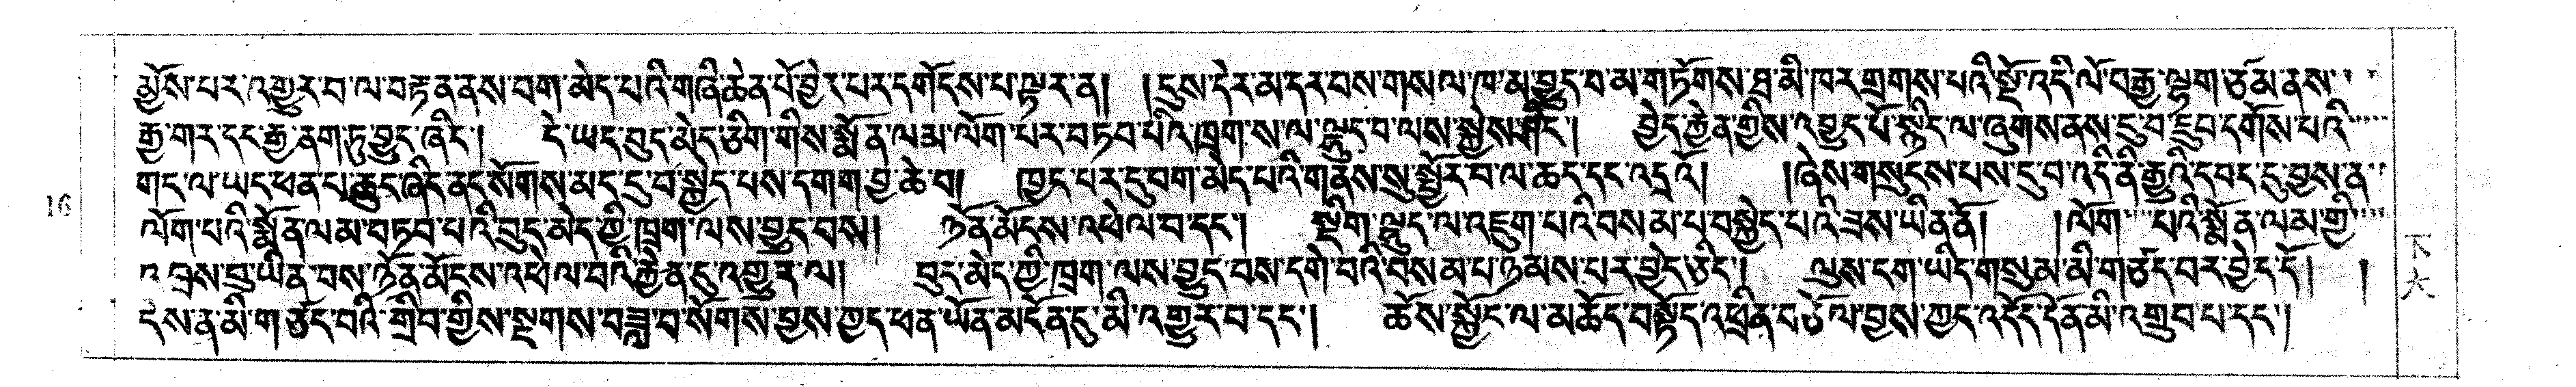མྱོས་པར་འགྱུར་བ་ལ་བརྟན་ནས་བག་མེད་པའི་གཞི་ཆེན་པོ་བྱེད་པར་དགོངས་པ་ལྟར་ན། །དུས་དེར་དམར་བས་གསལ་ཁ་མ་བྱུང་བ་མ་གཏོགས་ཐ་མི་ཁར་གྲགས་པའི་སྔོ་འདི་ལོ་བརྒྱ་ལྷག་ཙམ་ནས་
རྒྱ་གར་དང་རྒྱ་ནག་ཏུ་བྱུང་ཞིང་། དེ་ཡང་བུད་མེད་ཅིག་གིས་སྨོན་ལམ་ལོག་པར་བཏབ་པའི་ཁྲག་ས་ལ་ལྷུང་བ་ལས་སྐྱེས་ཤིང་། བྱེད་རྐྱེན་གྱིས་འབྱུང་པོ་སྙིང་ལ་ཞུགས་ནས་དུ་བ་ཇུབ་དགོས་པའི་
གང་ལ་ཡང་ཕན་པ་ཆུང་ཞིང་ནང་སོགས་མང་དུ་བསྐྱེད་པས་དགག་བྱ་ཆེ་བ། ཁྱད་པར་དུ་བག་མེད་པའི་གནས་སུ་སྦྱོར་བ་ལ་ཆད་དང་འདྲའོ། །ཞེས་གསུངས་པས་དུ་བ་འདི་ནི་རྒྱུའི་དབང་དུ་བྱས་ན་
ལོག་པའི་སྨོན་ལམ་བཏབ་པའི་བུད་མེད་ཀྱི་ཁྲག་ལས་བྱུང་བས། ཉོན་མོངས་འཕེལ་བ་དང་། སྡིག་ལྷུང་ལ་འཇུག་པའི་བསམ་པ་བསྐྱེད་པའི་ཟས་ཡིན་ནོ། །ལོག་པའི་སྨོན་ལམ་གྱི་
འབྲས་བུ་ཡིན་པས་ཉོན་མོངས་འཕེལ་བའི་རྐྱེན་དུ་འགྱུར་ལ། བུད་མེད་ཀྱི་ཁྲག་ལས་བྱུང་བས་དགེ་བའི་བསམ་པ་ཉམས་པར་བྱེད་ཅིང་། ལུས་ངག་ཡིད་གསུམ་མི་གཙང་བར་བྱེད་དོ། །
དེས་ན་མི་གཙང་བའི་གྲིབ་གྱིས་སྔགས་བཟླ་བ་སོགས་བྱས་ཀྱང་ཕན་ཡོན་མངོན་དུ་མི་འགྱུར་བ་དང་། ཆོས་སྐྱོང་ལ་མཆོད་བསྟོད་འཕྲིན་བཅོལ་བྱས་ཀྱང་འདོད་དོན་མི་འགྲུབ་པ་དང་།